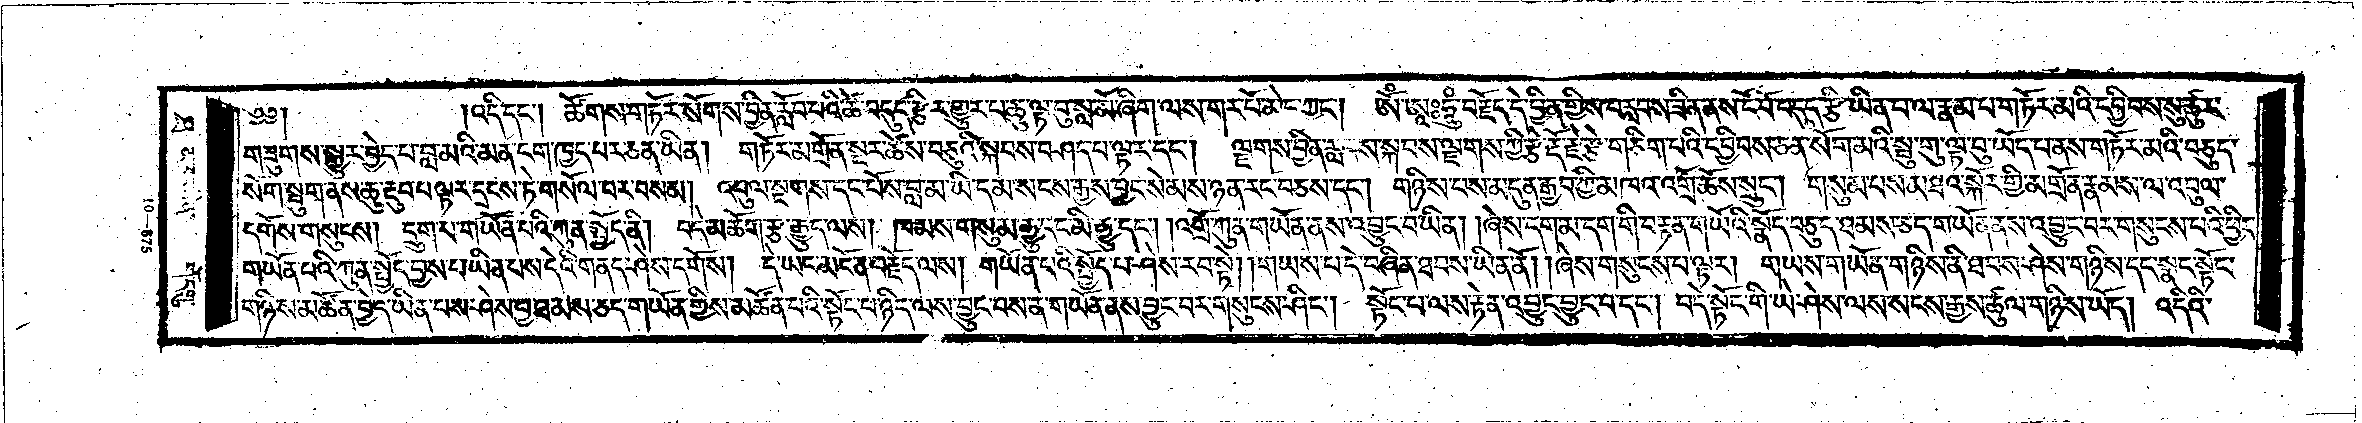༄༅། །འདི་དང་། ཚོགས་གཏོར་སོགས་བྱིན་རློབ་པའི་ཚེ་བདུད་རྩིར་གྱུར་བ་ཆུ་ལྟ་བུ་སླ་མོ་ཞིག་ལས་གར་བོ་མེད་ཀྱང་། ཨོཾ་ཨཱཿ ཧཱུཾ་བརྗོད་དེ་བྱིན་གྱིས་བརླབས་ཟིན་ནས་ངོ་བོ་བདུད་རྩི་ཡིན་པ་ལ་རྣམ་པ་གཏོར་མའི་དབྱིབས་སུ་ཚུར་
གཟུགས་སྒྱུར་བྱེད་པ་བླ་མའི་མན་ངག་ཁྱད་པར་ཅན་ཡིན། གཏོར་མགྲོན་སྔར་ཚེས་བཅུའི་སྐབས་བཤད་པ་ལྟར་དང་། ལྗགས་བྱིན་རླབས་སྐབས་ལྗགས་ཀྱི་རྩེ་རྡོ་རྗེ་རྩེ་གཅིག་པའི་དབྱིབས་ཅན་སོག་མའི་སྦུ་གུ་ལྟ་བུ་ཡོད་པ་ནས་གཏོར་མའི་བཅུད་
སོག་སྦུག་ནས་ཆུ་རྡུབ་བ་ལྟར་དྲངས་ཏེ་གསོལ་བར་བསམ། འབུལ་སྔགས་དང་པོས་བླ་མ་ཡི་དམ་སངས་རྒྱས་བྱང་སེམས་ཉན་རང་བཅས་དང་། གཉིས་བས་མདུན་རྒྱབ་ཀྱི་མཁའ་འགྲོ་ཆོས་སྲུང་། གསུམ་བས་མཐའ་སྐོར་གྱི་མགྲོན་རྣམས་ལ་འབུལ་
དགོས་གསུངས། དྲུག་པ་གཡོན་པའི་ཀུན་སྤྱོད་ནི། བདེ་མཆོག་རྩ་རྒྱུད་ལས། ཁམས་གསུམ་རྒྱུ་དང་མི་རྒྱུ་དང་། །འགྲོ་ཀུན་གཡོན་ནས་འབྱུང་བ་ཡིན། །ཞེས་དག་མ་དག་གི་བརྟན་གཡོའི་སྣོད་བཅུད་ཐམས་ཅད་གཡོན་ནས་འབྱུང་བར་གསུངས་པའི་ཕྱིར་
གཡོན་པའི་ཀུན་སྤྱོད་བྱས་པ་ཡིན་པས་དེའི་གནད་ཤེས་དགོས། དེ་ཡང་མངོན་བརྗོད་ལས། གཡོན་པའི་སྤྱོད་པ་ཤེས་རབ་སྟེ། །གཡས་པ་དེ་བཞིན་ཐབས་ཡིན་ནོ། །ཞེས་གསུངས་པ་ལྟར། གཡས་གཡོན་གཉིས་ནི་ཐབས་ཤེས་གཉིས་དང་སྣང་སྟོང་
གཉིས་མཚོན་བྱེད་ཡིན་པས་ཤེས་བྱ་ཐམས་ཅད་གཡོན་གྱིས་མཚོན་པའི་སྟོང་པ་ཉིད་ལས་བྱུང་བས་ན་གཡོན་ནས་བྱུང་བར་གསུངས་ཤིང་། སྟོང་པ་ལས་རྟེན་འབྱུང་བྱུང་བ་དང་། བདེ་སྟོང་གི་ཡེ་ཤེས་ལས་སངས་རྒྱས་ཚུལ་གཉིས་ཡོད། འདིའི་